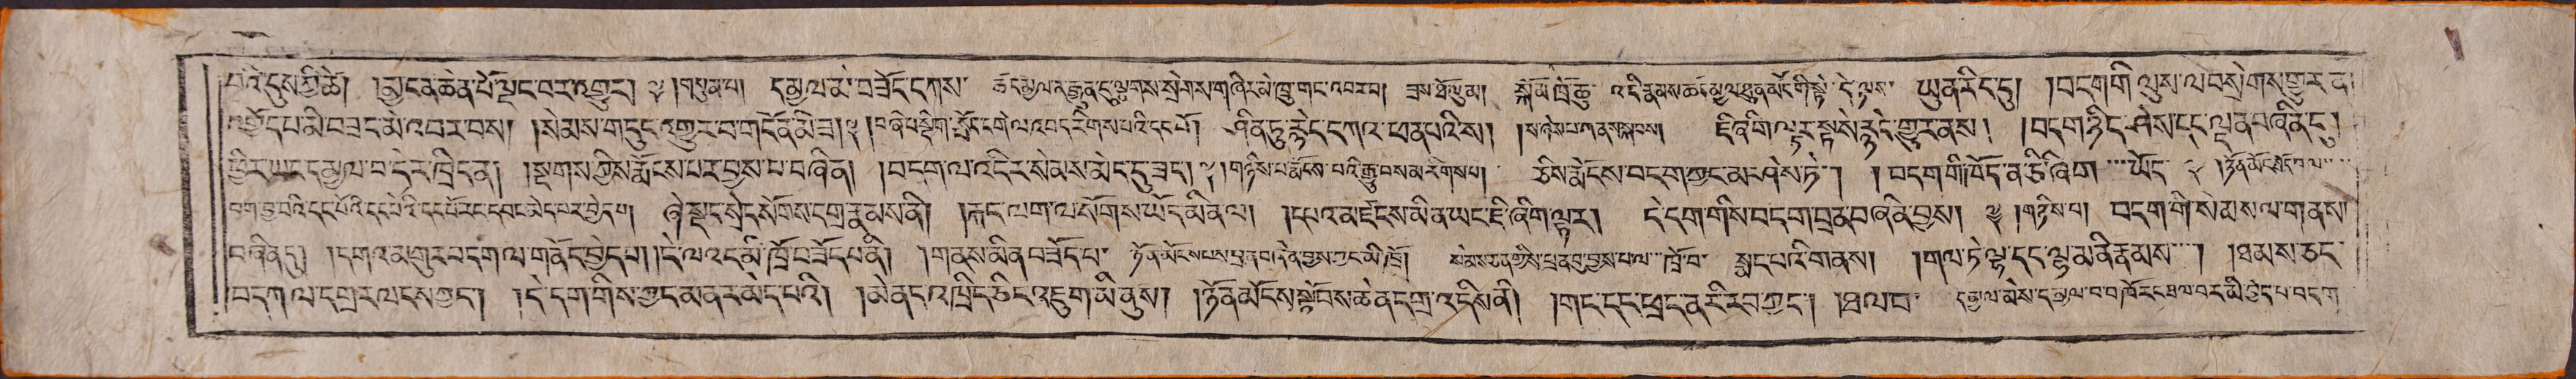བའི་དུས་ཀྱི་ཚེ། །མྱ་ངན་ཆེན་པོ་ལྡང་བར་འྰྒྱུར། ༈ །གསུམ་པ།  དམྱལ་མེ་བཟོད་དཀས་ཚ་དམྱལྣ་རྒྱུད་དུ་ཅླགས་སྲེགས་གཞིར་མེ་ཁྲུ་གང་འབར་བ། ཟས་པོ་ལུམ། སྐོམ་ཁྲོ་ཆུ། འདི་རྣམས་ཚ་དམྱལ་ཞུ་ཐུན་མོང་གི་སྟེ་དེ་ལྟས་ཡུན་རིང་དུ། །བདག་གི་ལུས་ལ་བསྲེགས་གྱུར་ན།།
འགྱོད་པ་མི་བཟད་མེ་འབར་བས། །སེམས་གདུང་འགྱུར་བ་གདོན་མི་ཟ། ༈ །བཞི་པ་སྡིག་སྤོང་དགེ་ལ་འབད་རིགས་པའི་དང་པོ།  ཤིན་ཏུ་རྙེད་དཀའ་ཕན་པའི་ས། །ས་ཞེས་པ་གནས་སྐབས།  ཇི་ཞིག་ལྟར་སྟེས་རྙེད་གྱུར་ནས། །བདག་ཉིད་ཤེས་དང་ལྡན་བཞིན་དུ། །
ཕྱིར་ཡང་དམྱལ་བ་དེར་ཁྲིད་ན། །སྔགས་ཀྱིས་རྨོངས་པར་བྱས་པ་བཞིན། །བདག་ལ་འདིར་སེམས་མེད་དུ་ཟད། ༈ །གཉིས་པ་རྨོངས་པའི་རྒྱུ་བསམ་རིགས་པ།  ཅིས་རྨོངས་བདག་ཀྱང་མ་ཤེས་ཏེ། །བདག་གི་ཁོང་ན་ཅི་ཞིག་ཡོད། ༈ །ཉོན་མོང་སྤོང་པ་ལ་
བག་བྱ་བའི་དང་པོའི་དང་པོའི་དང་པོ་རང་དབང་མེད་པར་བྱེད་པ། ཞེས་སྡང་སྲེད་སོགས་དགྲ་རྣམས་ནི། །རྐང་ལག་ལ་སོགས་ཡོད་མིན་ལ། །དཔའ་མཛངས་མིན་ཡང་ཇི་ཞིག་ལྟར། །དེ་དག་གིས་བདག་བྲན་བཞིན་བྱས། ༈ །གཉིས་པ།  བདག་གི་སེམས་ལ་གནས་
བཞིན་དུ། །དགའ་མགུར་བདག་ལ་གནོད་བྱེད་པ། །དེ་ལའང་མི་ཁྲོ་བཟོད་པ་ནི། །གནས་མིན་བཟོད་ཉོན་མོངས་པས་དྲན་བཞིན་བྱས་ཀྱང་མི་ཁྲོ། །སེམས་ཅན་གྱིས་ཕྲན་བུ་བྱས་པ་ལ་ཁོར་བ་སྨད་པའི་གནས། །གལ་ཏེ་ལྷ་དང་ལྷ་མིན་རྣམས། །ཐམས་ཅད་
བདག་ལ་དགྲར་ལངས་ཀྱང་། །དེ་དག་གིས་ཀྱང་མནར་མེད་པའི། །མེ་ནང་འཁྲིད་ཅིང་འཇུག་མི་ནུས། །ཉོན་མོངས་སྟོབས་ཆེན་དགྲ་འདིས་ནི། །གང་དང་ཕྲད་ན་རི་རབ་ཀྱང་། ། ཐལ་བདམྱལ་མེས་དམྱལ་བ་པ་ཁོ་རང་ཐལ་བར་མི་བྱེད་པ་བདག་